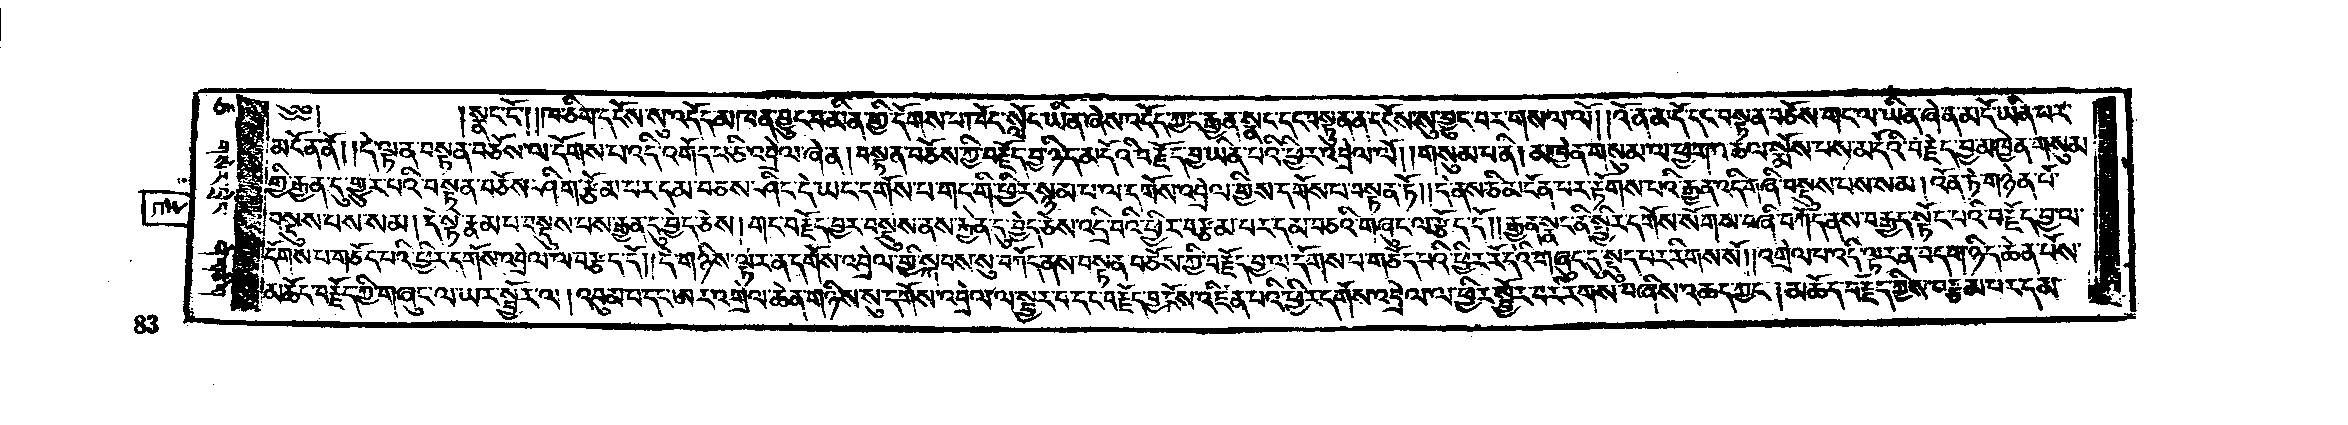༄༅། །སྣང་ངོ། ཁ་ཅིག་དངོས་སུ་འདོད་མཁན་བྱུང་བ་མིན་གྱི་དགོས་པ་ཁོང་སློང་ཡིན་ཞེས་འདོད་ཀྱང་རྒྱན་སྣང་དང་བསྟུན་ན་དངོས་སུ་བྱུང་བར་གསལ་ལོ། །འོ་ན་མདོ་དང་བསྟན་བཅོས་གང་ལ་ཡིན་ཞེ་ན་མདོ་ཡིན་པར་
མངོན་ནོ། །དེ་ལྟ་ན་བསྟན་བཅོས་ལ་དོགས་པ་འདི་འགོད་པ་ཅི་འབྲེལ་ཞེ་ན། བསྟན་བཅོས་ཀྱི་བརྗོད་བྱ་ཉིད་མདོའི་བརྗོད་བྱ་ཡིན་པའི་ཕྱིར་འབྲེལ་ལོ། །གསུམ་པ་ནི། མཁྱེན་གསུམ་ལ་ཕྱག་འཚལ་སྨོས་པས་མདོའི་བརྗོད་བྱ་མཁྱེན་གསུམ་
གྱི་རྒྱན་དུ་གྱུར་པའི་བསྟན་བཅོས་ཤིག་རྩོམ་པར་དམ་བཅས་ཤིང་དེ་ཡང་དགོས་པ་གང་གི་ཕྱིར་སྙམ་པ་ལ་དགོས་འབྲེལ་གྱིས་དགོས་པ་བསྟན་ཏོ། །དེ་ནས་ཅི་མངོན་པར་རྟོགས་པའི་རྒྱན་འདི་གཞི་བསྡུས་པས་སམ། འོན་ཏེ་གཉེན་པོ་
བསྡུས་པས་སམ། དེ་སྟེ་རྣམ་པ་བསྡུས་པས་རྒྱན་དུ་བྱེད་ཅེས། གང་བརྗོད་བྱར་བསྡུས་ནས་རྒྱན་དུ་བྱེད་ཅེས་འདྲི་བའི་ཕྱིར་བརྩམ་པར་དམ་བཅའི་གཞུང་ལ་རྩོད་དོ། །རྒྱན་སྣང་ནི་སྤྱིར་དགོས་སོགས་བཞི་བཀོད་ནས་བརྒྱད་སྟོང་པའི་བརྗོད་བྱ་ལ་
དོགས་པ་གཅོད་པའི་ཕྱིར་དགོས་འབྲེལ་ལ་བརྩད་དོ། །དེ་གཉིས་ལྟར་ན་དགོས་འབྲེལ་གྱི་སྐབས་སུ་བཀོད་ནས་བསྟན་བཅོས་ཀྱི་བརྗོད་བྱ་ལ་དོགས་པ་གཅོད་པའི་ཕྱིར་རོ་དེའི་གཞུང་དུ་སྡུད་པར་རིགས་སོ། །འགྲེལ་པ་འདི་ལྟར་ན་བདག་ཉིད་ཆེན་པོས་
མཆོད་བརྗོད་ཀྱི་གཞུང་ལ་ཡར་སྦྱོར་ལ། འབུམ་པ་དང་ཨར་འགྲེལ་ཆེན་གཉིས་སུ་དགོས་འབྲེལ་ལ་སྦྱར་བ་དང་བརྗོད་བྱ་ངོས་འཛིན་པའི་ཕྱིར་དགོས་འབྲེལ་ལ་ཕྱིར་སྦྱོར་བར་རིགས་བཞིས་འཆད་ཀྱང་། མཆོད་བརྗོད་ཀྱིས་བརྩམ་པར་དམ་